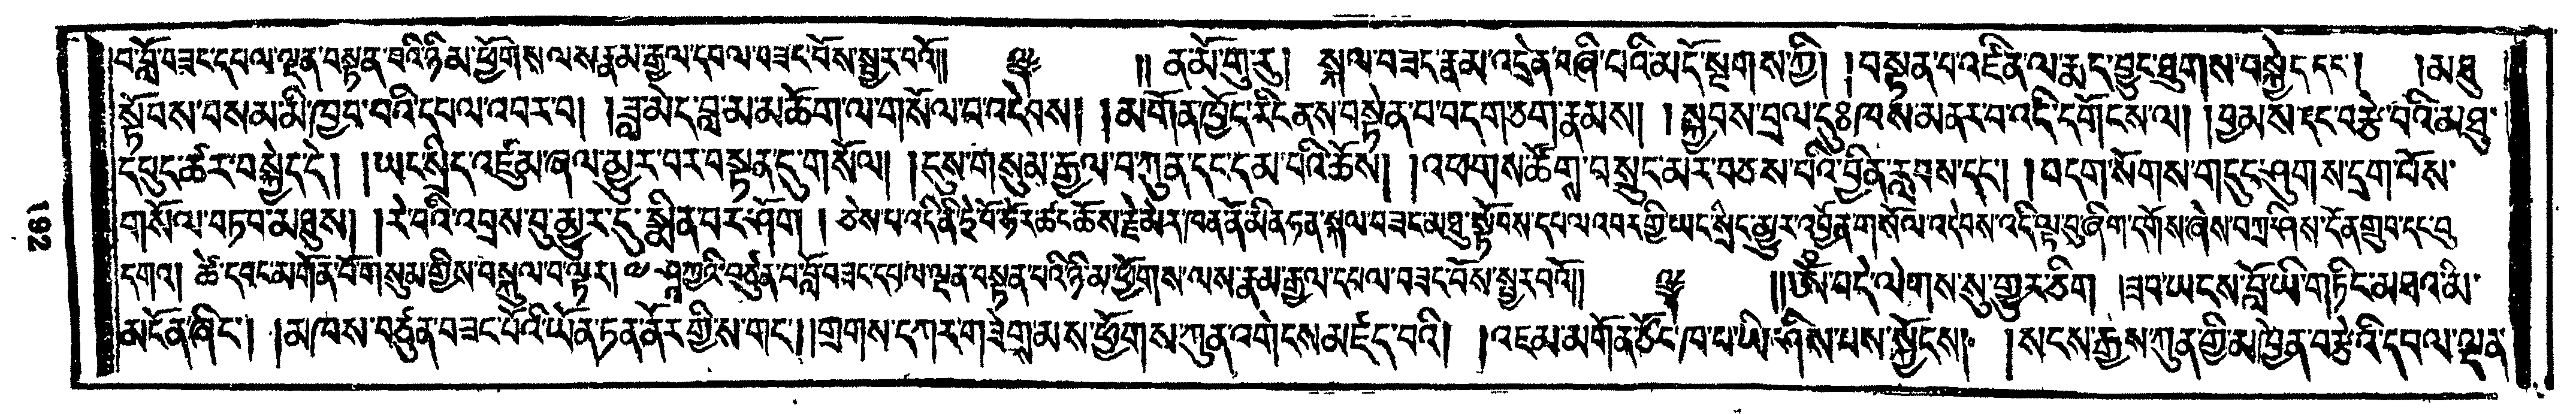བ་བློ་བཟང་དཔལ་ལྡན་བསྟན་པའི་ཉི་མ་ཕྱོགས་ལས་རྣམ་རྒྱལ་དཔལ་བཟང་བོས་སྦྱར་བའོ།། ༈ །།ན་མོ་གུ་རུ། སྐལ་བཟང་རྣམ་འདྲེན་བཞི་པའི་མདོ་སྔགས་ཀྱི། །བསྟན་པ་འཛིན་ལ་རྨད་བྱུང་ཐུགས་བསྐྱེད་དང་། །མཐུ་
སྟོབས་བསམ་མི་ཁྱབ་བའི་དཔལ་འབར་བ། །ཟླ་མེད་བླ་མ་མཆོག་ལ་གསོལ་བ་འདེབས། །མགོན་ཁྱོད་རིང་ནས་བསྟེན་པ་བདག་ཅག་རྣམས། །སྐྱབས་བྲལ་དུཿ ཁས་མནར་བ་འདི་དགོངས་ལ། །བྱམས་དང་བརྩེ་བའི་མཐུ་
དཔུང་ཚར་བསྐྱེད་དེ། །ཡང་སྲིད་འཛུམ་ཞལ་མྱུར་བར་བསྟན་དུ་གསོལ། །དུས་གསུམ་རྒྱལ་བ་ཀུན་དང་དམ་པའི་ཆོས། །འཕགས་ཚོགས་བསྲུང་མར་བཅས་པའི་བྱིན་རླབས་དང་། །བདག་སོགས་གདུང་ཤུགས་དྲག་པོས་
གསོལ་བཏབ་མཐུས། །རེ་བའི་འབྲས་བུ་མྱུར་དུ་སྨིན་པར་ཤོག །ཅེས་པ་འདི་ནི་ཏྲེ་བོ་ཧོར་ཚང་ཆོས་རྗེ་མེར་ཁན་ནོ་མིན་ཧན་སྐལ་བཟང་མཐུ་སྟོབས་དཔལ་འབར་གྱི་ཡང་སྲིད་མྱུར་འབྱོན་གསོལ་འདེབས་འདི་ལྟ་བུ་ཞིག་དགོས་ཞེས་བཀྲ་ཤིས་དོན་གྲུབ་དང་བུ་
དགའ། ཚེ་དབང་མགོན་པོ་གསུམ་གྱིས་བསྐུལ་བ་ལྟར། ༧་ཤཱཀྱའི་བཙུན་པ་བློ་བཟང་དཔལ་ལྡན་བསྟན་པའི་ཉི་མ་ཕྱོགས་ལས་རྣམ་རྒྱལ་དཔལ་བཟང་པོས་སྦྱར་བའོ།། ༈ །།ཨོཾ་བདེ་ལེགས་སུ་གྱུར་ཅིག །ཟབ་ཡངས་བློ་ཡི་གཏིང་མཐའ་མི་
མངོན་ཞིང་། །མཁས་བཙུན་བཟང་པོའི་ཡོན་ཏན་ནོར་གྱིས་གང་། །གྲགས་དཀར་གཟེགས་མས་ཕྱོགས་ཀུན་འགེངས་མཛད་པའི། །འཇམ་མགོན་ཙོང་ཁ་པ་ཡི་ཤིས་པས་སྐྱོངས། །སངས་རྒྱས་ཀུན་གྱི་མཁྱེན་བརྩེའི་དཔལ་ལྡན་